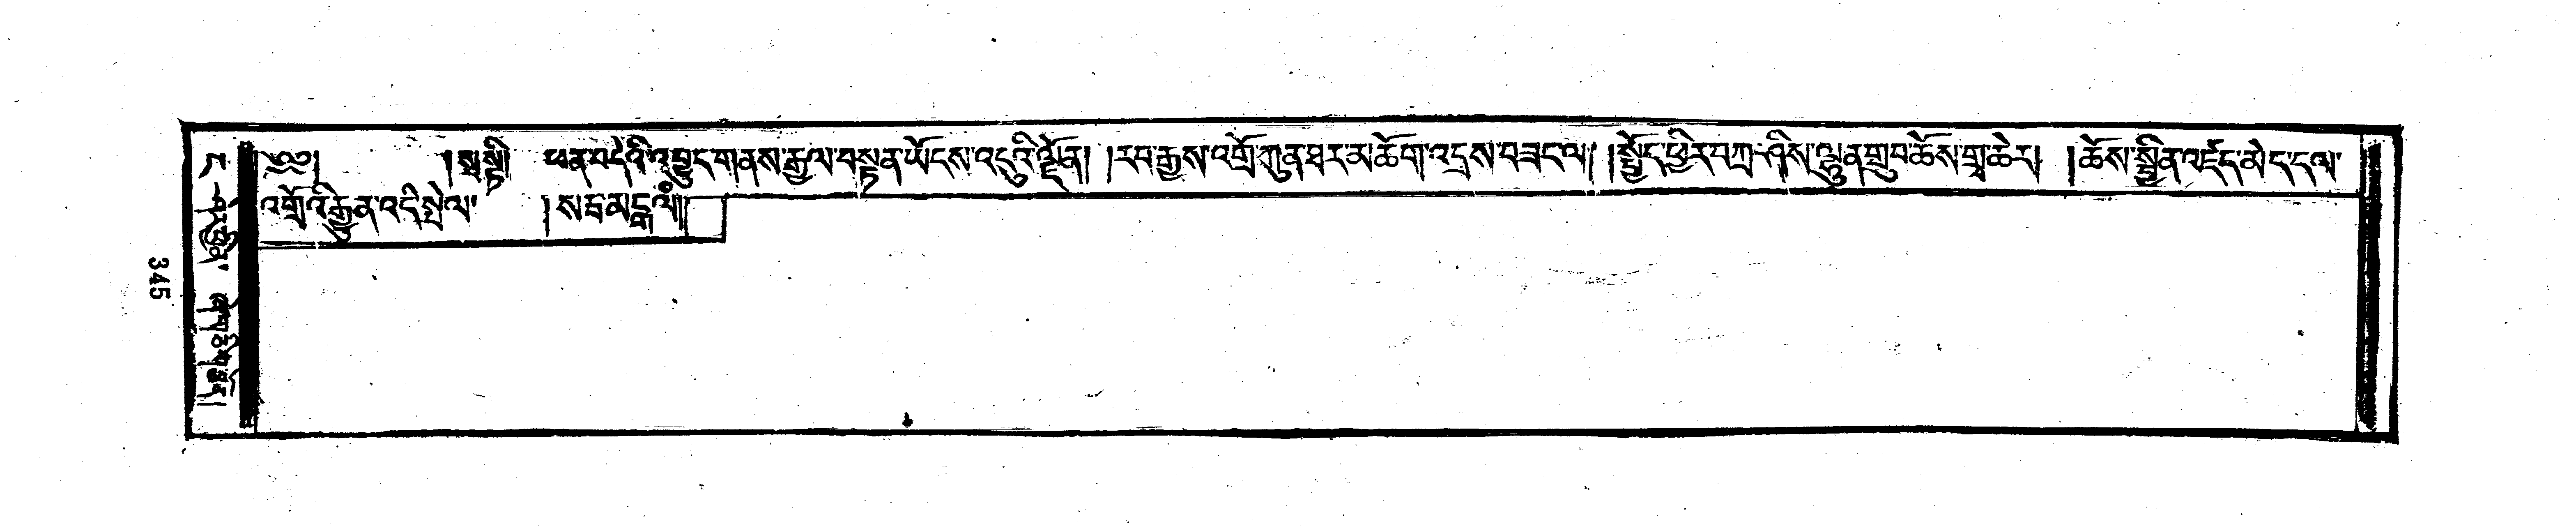༄༅། །སྭསྟི༑ ཕན་བདེའི་འབྱུང་གནས་རྒྱལ་བསྟན་ཡོངས་འདུའི་ལྗོན། །རབ་རྒྱས་འགྲོ་ཀུན་ཐར་མཆོག་འབྲས་བཟང་ལ། །སྤྱོད་ཕྱིར་བཀྲ་ཤིས་ལྷུན་གྲུབ་ཆོས་གྲྭ་ཆེར། །ཆོས་སྦྱིན་འཛད་མེད་དལ་
འགྲོའི་རྒྱུན་འདི་སྤེལ། །སརྦ་མངྒ་ལཾ།།